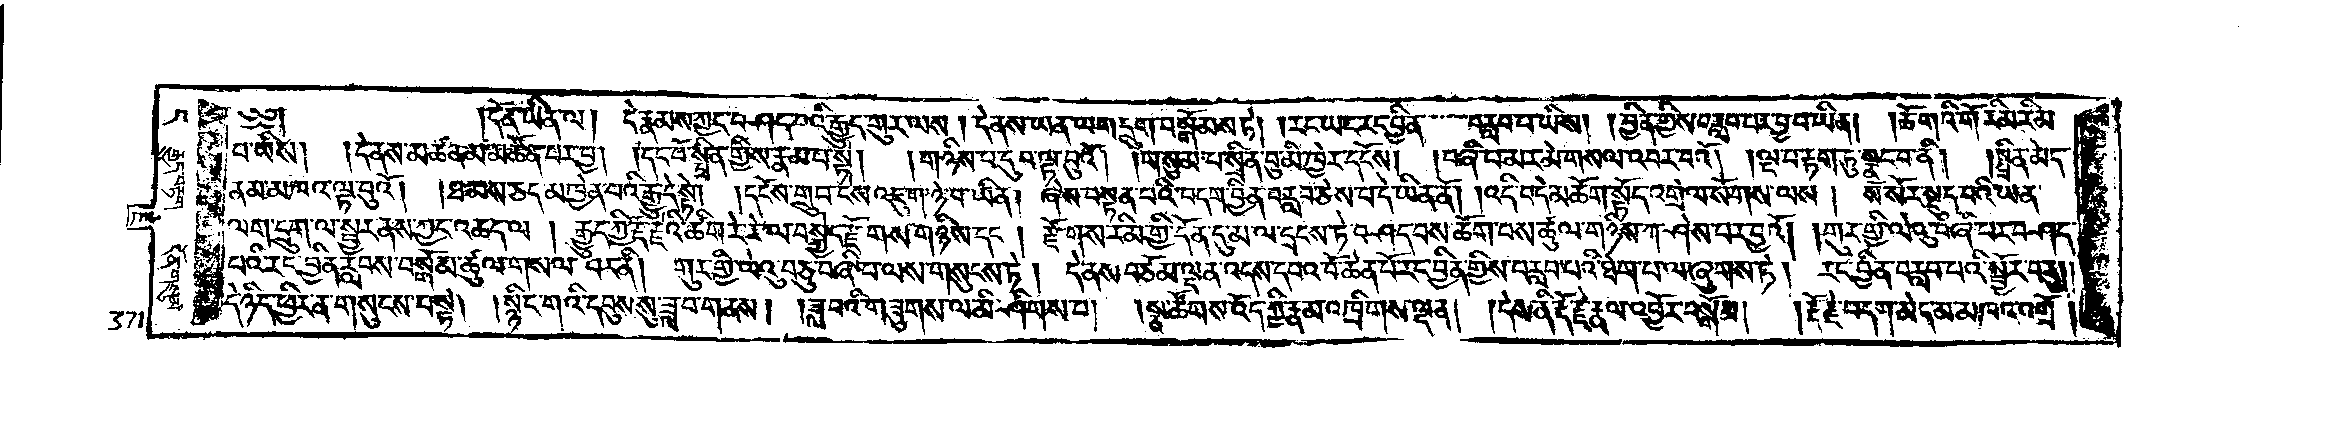༄༅། །དོན་ཡིན་ལ། དེ་རྣམས་ཀྱང་བཤད་པའི་རྒྱུད་གུར་ལས། དེ་ནས་ཡན་ལག་དྲུག་བསྒོམས་ཏེ། །རང་ཡང་རང་བྱིན་བརླབ་པ་ཡིས། །བྱིན་གྱིས་བརླབ་པར་བྱ་བ་ཡིན། །ཆོ་གའི་གོ་རིམ་རིམ་
པ་ཡིས། །དེ་ནས་མཚན་མ་མཚོན་པར་བྱ། །དང་པོ་སྤྲིན་གྱིས་རྣམ་པ་སྟེ། །གཉིས་པ་དུ་བ་ལྟ་བུའོ། །གསུམ་པ་སྲིན་བུ་མི་ཁྱེར་དངོས། །བཞི་པ་མར་མེ་གསལ་འབར་བའོ། །ལྔ་པ་རྟག་ཏུ་སྣང་བ་ནི། །སྤྲིན་མེད་
ནམ་མཁའ་ལྟ་བུའོ། །ཐམས་ཅད་མཁྱེན་པའི་རྒྱུ་དེ་སྟེ། །དངོས་གྲུབ་ངེས་འཇུག་ཉེ་བ་ཡིན། ཞེས་བསྟན་པའི་བདག་བྱིན་བརླབ་ཅེས་པ་དེ་ཡིན་ནོ། །འདི་བདེ་མཆོག་སྟོད་འགྲེལ་སོགས་ལས། སོ་སོར་སྡུད་པའི་ཡན་
ལག་དྲུག་ལ་སྦྱར་ནས་ཀྱང་འཆད་ལ། རྒྱུད་ཀྱི་རྡོ་རྗེའི་ཚིག་རེ་རེ་ལ་བསྐྱེད་རྫོགས་གཉིས་དང་། རྫོགས་རིམ་གྱི་དོན་དུ་མ་ལ་དྲངས་ཏེ་བཤད་པས་ཆོག་པས་ཚུལ་གཉིས་ཀ་ཤེས་པར་བྱའོ། །གུར་གྱི་ལེའུ་བཞི་པར་བཤད་
པའི་རང་བྱིན་རླབས་བསྒོམ་ཚུལ་གསལ་བར་ནི། གུར་གྱི་ལེའུ་བཅུ་བཞི་པ་ལས་གསུངས་ཏེ། དེ་ནས་བཅོམ་ལྡན་འདས་དཔའ་བོ་ཆེན་པོ་རང་བྱིན་གྱིས་བརླབ་པའི་ཐེག་པ་ལ་ཞུགས་ཏེ། རང་བྱིན་བརླབ་པའི་སྦྱོར་བ་རུ། །
དེ་ཉིད་ཕྱིར་ན་གསུངས་པ་སྟེ། །སྙིང་གའི་དབུས་སུ་ཟླ་བ་གནས། །ཟླ་བའི་གཟུགས་ལ་མི་ཤིགས་པ། །སྣ་ཚོགས་འོད་ཀྱི་རྣམ་འཁྲིགས་ལྡན། །དེས་ནི་རྡོ་རྗེ་རྣལ་འབྱོར་བསྒོམ། །རྡོ་རྗེ་བདག་མེད་མ་མཁའ་འགྲོ་།